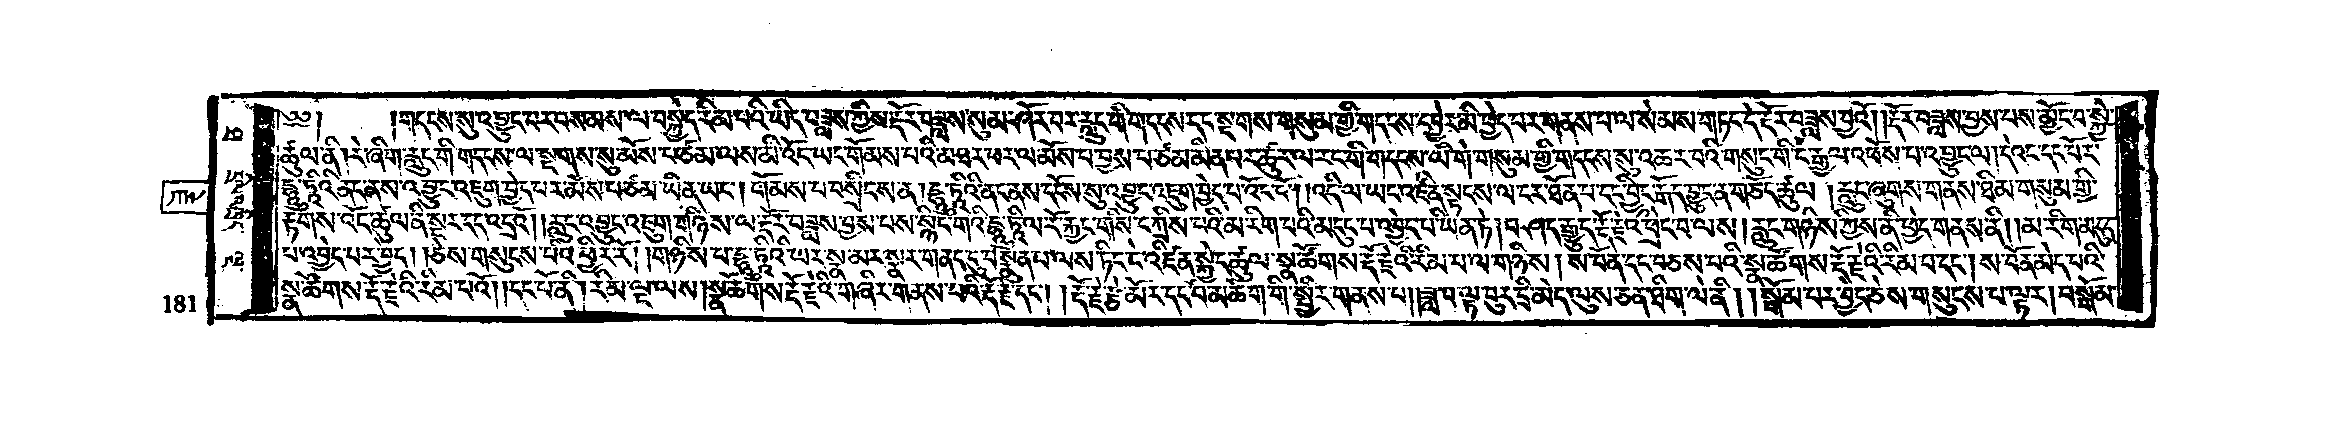༄༅། །གདངས་སུ་འབྱུང་བར་བསམས་ལ་བསྐྱེད་རིམ་པའི་ཡིད་བཟླས་ཀྱིས་རྡོར་བཟླས་སུམ་ཤོར་བར་རླུང་གི་གདངས་དང་སྔགས་གསུམ་གྱི་གདངས་དབྱེར་མི་ཕྱེད་པར་གནས་པ་ལ་སེམས་གཏད་དེ་རྡོར་བཟླས་བྱའོ། །རྡོར་བཟླས་བྱས་པས་མྱོང་བ་སྐྱེ་
ཚུལ་ནི། རེ་ཞིག་རླུང་གི་གདངས་ལ་སྔགས་སུ་མོས་པ་ཙམ་ལས་མི་འོང་ཡང་གོམས་པའི་མཐར་ཕར་ལ་མོས་པ་བྱས་པ་ཙམ་མིན་པར་ཚུར་ལ་རང་གི་གདངས་ཡི་གེ་གསུམ་གྱི་གདངས་སུ་འཆར་བའི་གསུང་གི་ང་རྒྱལ་འཕོས་པ་འབྱུང་ལ། དེའང་དང་པོར་
དྷཱུ་ཏཱིའི་ནང་ནས་འབྱུང་འཇུག་བྱེད་པར་མོས་པ་ཙམ་ཡིན་ཡང་། གོམས་པ་བསྲངས་ན། དྷཱུ་ཏཱིའི་ནང་ནས་དངོས་སུ་འབྱུང་འཇུག་བྱེད་པ་འོང་ངོ། །འདི་ལ་ཡང་འཛིན་སྟངས་ལ་ངར་ཐོན་པ་དང་བྱིང་དྲྒོད་བྱུང་ན་གཅོད་ཚུལ། རླུང་ཞུགས་གནས་ཐིམ་གསུམ་གྱི་
རྟོགས་འོང་ཚུལ་ནི་སྔར་དང་འདྲའོ། །རླུང་འབྱུང་འཇུག་གཉིས་ལ་རྡོར་བཟླས་བྱས་པས་སྙིང་གའི་དྷཱུ་ཏཱིལ་རོ་རྐྱང་གིས་བཀྲིས་པའི་མ་རིག་པའི་མདུང་པ་འབྱེད་པ་ཡིན་ཏེ། བཤད་རྒྱུད་རྡོ་རྗེའི་ཕྲེང་བ་ལས། རླུང་གཉིས་ཀྱིས་ནི་ཕྱེད་གནས་ནི། །མ་རིག་མདུད་
པ་འབྱེད་པར་བྱེད། །ཅེས་གསུངས་པའི་ཕྱིར་རོ། །གཉིས་པ་དྷཱུ་ཏཱིའི་ཡར་སྣ་མར་སྣར་གནད་དུ་བསྣུན་པ་ལས་ཏིང་ངེ་འཛིན་སྐྱེད་ཚུལ་སྣ་ཚོགས་རྡོ་རྗེའི་རིམ་པ་ལ་གཉིས། ས་བོན་དང་བཅས་པའི་སྣ་ཚོགས་རྡོ་རྗེའི་རིམ་པ་དང་། ས་བོན་མེད་པའི་
སྣ་ཚོགས་རྡོ་རྗེའི་རིམ་པའོ། །དང་པོ་ནི། རིམ་ལྔ་ལས། སྣ་ཚོགས་རྡོ་རྗེའི་གཞིར་གནས་པའི་རྡོ་རྗེ་དང་། །རྡོ་རྗེ་རྩེ་མོར་དང་པོ་མཆོག་གི་སྤྱིར་གནས་པ། །ཟླ་བ་ལྟ་བུར་དྲི་མེད་ལུས་ཅན་ཐིག་ལེ་ནི། །སྒོམ་པར་བྱེད་ཅེས་གསུངས་པ་ལྟར། བསྒོམ་